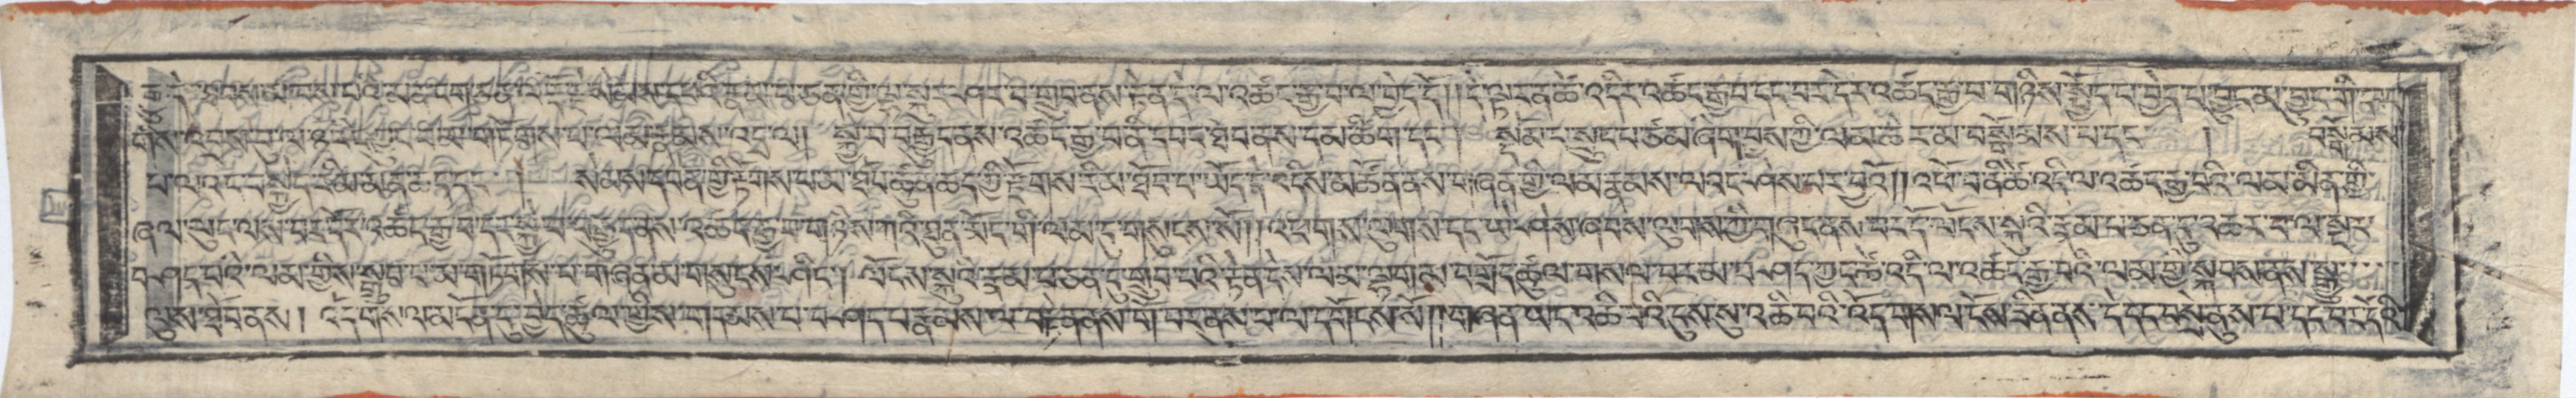རྒྱུ་དེ་ཐབས་མཁས་པའི་མན་ངག་ཅན་ལ་རྡོ་རྗེ་སེམས་དཔའི་རྣམ་པ་ཅན་གྱི་ལྷ་སྐུར་ཤར་བ་གྲུབ་ནས་རྟེན་དེ་ལ་འཚང་རྒྱ་བ་ལ་བྱེད་དོ། །དེ་ལྟར་ན་ཚེ་འདིར་འཚང་རྒྱ་བ་དང་བར་དོར་འཚང་རྒྱ་བ་གཉིས་སྤྱོད་པ་བྱེད་པ་བྱུང་མ་བྱུང་གི་དབང་
གིས་འབྲས་བུ་ལ་ཉེ་རིང་བྱུང་བ་མ་གཏོགས་པ་ལམ་རྣམས་འདྲ་ལ། སྐྱེ་བ་བརྒྱུད་ནས་འཚང་རྒྱ་བ་ནི་དབང་ཐོབ་ནས་དམ་ཚིག་དང་། སྡོམ་པ་སྲུང་པ་ཙམ་ཞིག་བྱས་ཀྱི་ལམ་ཆེར་མ་བསྒོམས་པ་དང་། བསྒོམས་
པ་ལའང་བསྐྱེད་རིམ་མན་ཆད་དང་། སེམས་དབེན་གྱི་རྟོགས་པ་མ་ཐོབ་ཚུན་ཆད་ཀྱི་རྫོགས་རིམ་ཐོབ་པ་ཡོད་དེ་འདིས་མཚོན་ནས་གཞན་གྱི་ལམ་རྣམས་ལའང་ཤེས་པར་བྱའོ། །འཕོ་བ་ནི་ཚེ་འདི་ལ་འཚང་རྒྱ་བའི་ལམ་མིན་གྱི་
ཞལ་ལུང་ལས་བར་དོར་འཚང་རྒྱ་བ་དང་སྐྱེ་བ་བརྒྱུད་ནས་འཚང་རྒྱ་བ་གཉིས་ཀའི་ཐུན་མོང་གི་ལམ་དུ་གསུངས་སོ། །འཕགས་ལུགས་དང་ཡེ་ཤེས་ཞབས་ལུགས་ཀྱི་གཞུང་ནས་བར་དོ་ལོངས་སྐུའི་རྣམ་པ་ཅན་དུ་འཆར་བ་ལ་སྔར་
བཤད་པའི་ལམ་གྱིས་སྒྲུབ་པ་མ་གཏོགས་པ་གཞན་མ་གསུངས་ཤིང་། ལོངས་སྐུའི་རྣམ་པ་ཅན་དུ་གྲུབ་པའི་རྟེན་དེས་ལམ་ལྷག་མ་བགྲོད་ཚུལ་གསལ་བར་མ་བཤད་ཀྱང་ཚེ་འདི་ལ་འཚང་རྒྱ་བའི་ལམ་གྱི་སྐབས་ནས་སྒྱུ་
ལུས་ཐོབ་ནས། འོད་གསལ་མངོན་དུ་བྱེད་ཚུལ་གྱིས་གདམས་པ་བཤད་པ་རྣམས་ལ་བརྟེན་ནས་གོ་བར་ནུས་པ་ལ་དགོངས་སོ། །གཞན་ཡང་འཆི་བའི་དུས་སུ་འཆི་བའི་འོད་གསལ་ངོས་ཟིན་ནས་དེ་དང་བསྲེ་ནུས་པ་དང་བར་དོའི་